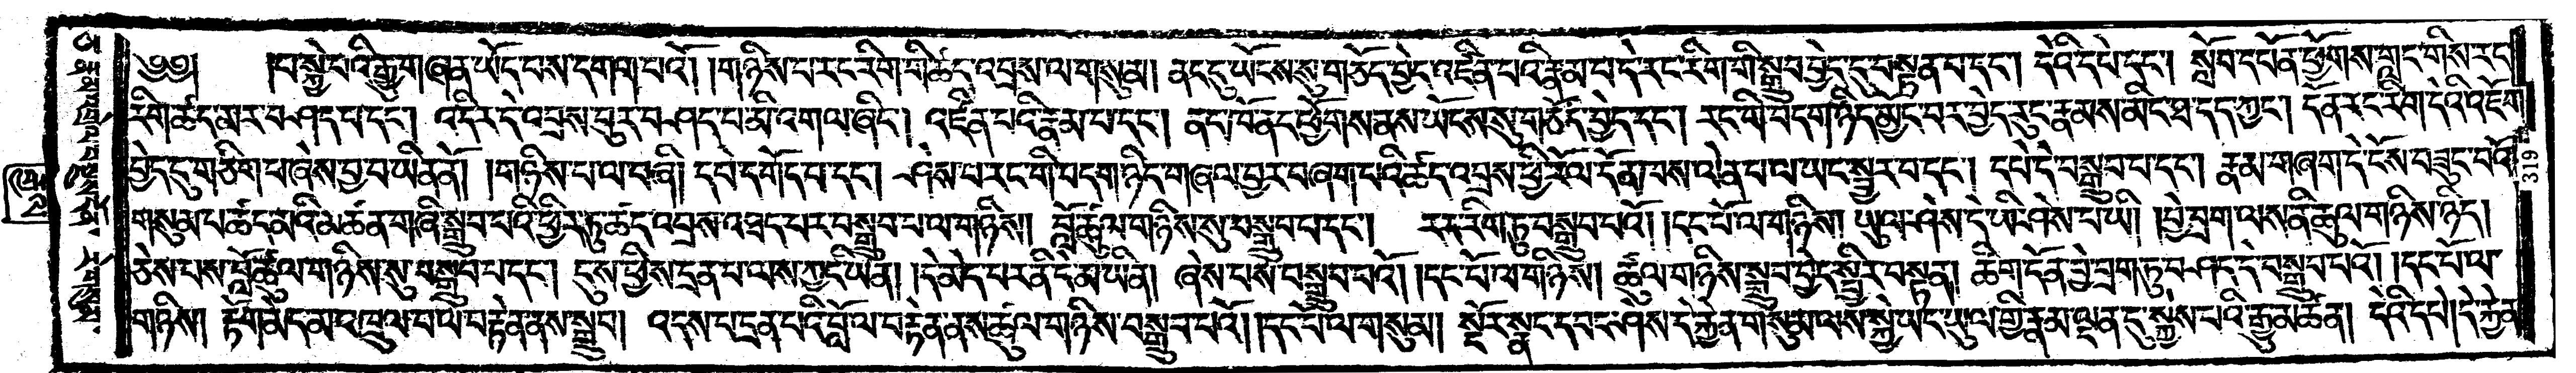༄༅། །པ་སྐྱེ་བའི་རྒྱུ་གཞན་ཡོད་པས་དགག་པའོ། །གཉིས་པ་རང་རིག་གི་ཚད་འབྲས་ལ་གསུམ། ནང་དུ་ཡོངས་སུ་གཅོད་བྱེད་འཛིན་པའི་རྣམ་པ་དེ་རང་རིག་གི་སྒྲུབ་བྱེད་དུ་བསྟན་པ་དང་། དེའི་དཔེ་དང་། སློབ་དཔོན་ཕྱོགས་གླང་གིས་རང་
རིག་ཚད་མར་བཤད་པ་དང་། འདིར་དེ་འབྲས་བུར་བཤད་པ་མི་འགལ་ཞིང་། འཛིན་པའི་རྣམ་པ་དང་། ནང་ཁོ་ནང་ཕྱོགས་ནས་ཡོངས་སུ་གཅོད་བྱེད་དང་། རང་གི་བདག་ཉིད་མྱོང་བར་བྱེད་རུང་རྣམས་མིང་ཐ་དད་ཀྱང་། དོན་རང་རིག་དེའི་འཇོག་
བྱེད་དུ་གཅིག་པ་ཞེས་བྱ་བ་ཡིན་ནོ། །གཉིས་པ་ལ་བཞི། དཔེ་དགོད་པ་དང་། ཤེས་པ་རང་གི་བདག་ཉིད་གཞལ་བྱར་བཞག་པའི་ཚད་འབྲས་ཕྱི་རོལ་དོན་ཁས་ལེན་པ་ལ་ཡང་སྦྱར་བ་དང་། དཔེ་དེ་བསྒྲུབ་པ་དང་། རྣམ་གཞག་དེ་ངོས་བཟུང་བའོ་
གསུམ་པ་ཚད་མའི་མཚན་གཞི་སྒྲུབ་པའི་ཕྱིར་ཏུ་ཚད་འབྲས་འཐད་པར་བསྒྲུབ་པ་ལ་གཉིས། བློ་ཚུལ་གཉིས་སུ་བསྒྲུབ་པ་དང་། རང་རིག་ཏུ་བསྒྲུབ་པའོ། །དང་པོ་ལ་གཉིས། ཡུལ་ཤེས་དེ་ཡི་ཤེས་པ་ཡི། །བྱེ་བྲག་ལས་ནི་ཆུལ་གཉིས་ཉིད།
ཅེས་པས་བློ་ཚུལ་གཉིས་སུ་བསྒྲུབ་པ་དང་། དུས་ཕྱིས་དྲན་པ་ལས་ཀྱང་ཡིན། །དེ་མེད་པར་ནི་དེ་མ་ཡིན། ཞེས་པས་བསྒྲུབ་པའོ། །དང་པོ་ལ་གཉིས། ཚུལ་གཉིས་སྒྲུབ་བྱེད་སྤྱིར་བསྟན། ཚིག་དོན་བྱེ་བྲག་ཏུ་བཤད་དེ་བསྒྲུབ་པའོ། །དང་པོ་ལ་
གཉིས། རྟོག་མེད་མ་འཁྲུལ་པ་ལ་བརྟེན་ནས་སྒྲུབ། འདས་པ་དྲན་པའི་བློ་ལ་བརྟེན་ནས་ཚུལ་གཉིས་བསྒྲུབ་པའོ། །དང་པོ་ལ་གསུམ། སྔོར་སྣང་དབང་ཤེས་དེ་རྐྱེན་གསུམ་ལས་སྐྱེ་ཡང་ཡུལ་གྱི་རྣམ་ལྡན་དུ་སྐྱེས་པའི་རྒྱུ་མཚན། དེའི་དཔེ། དེ་རྐྱེན་